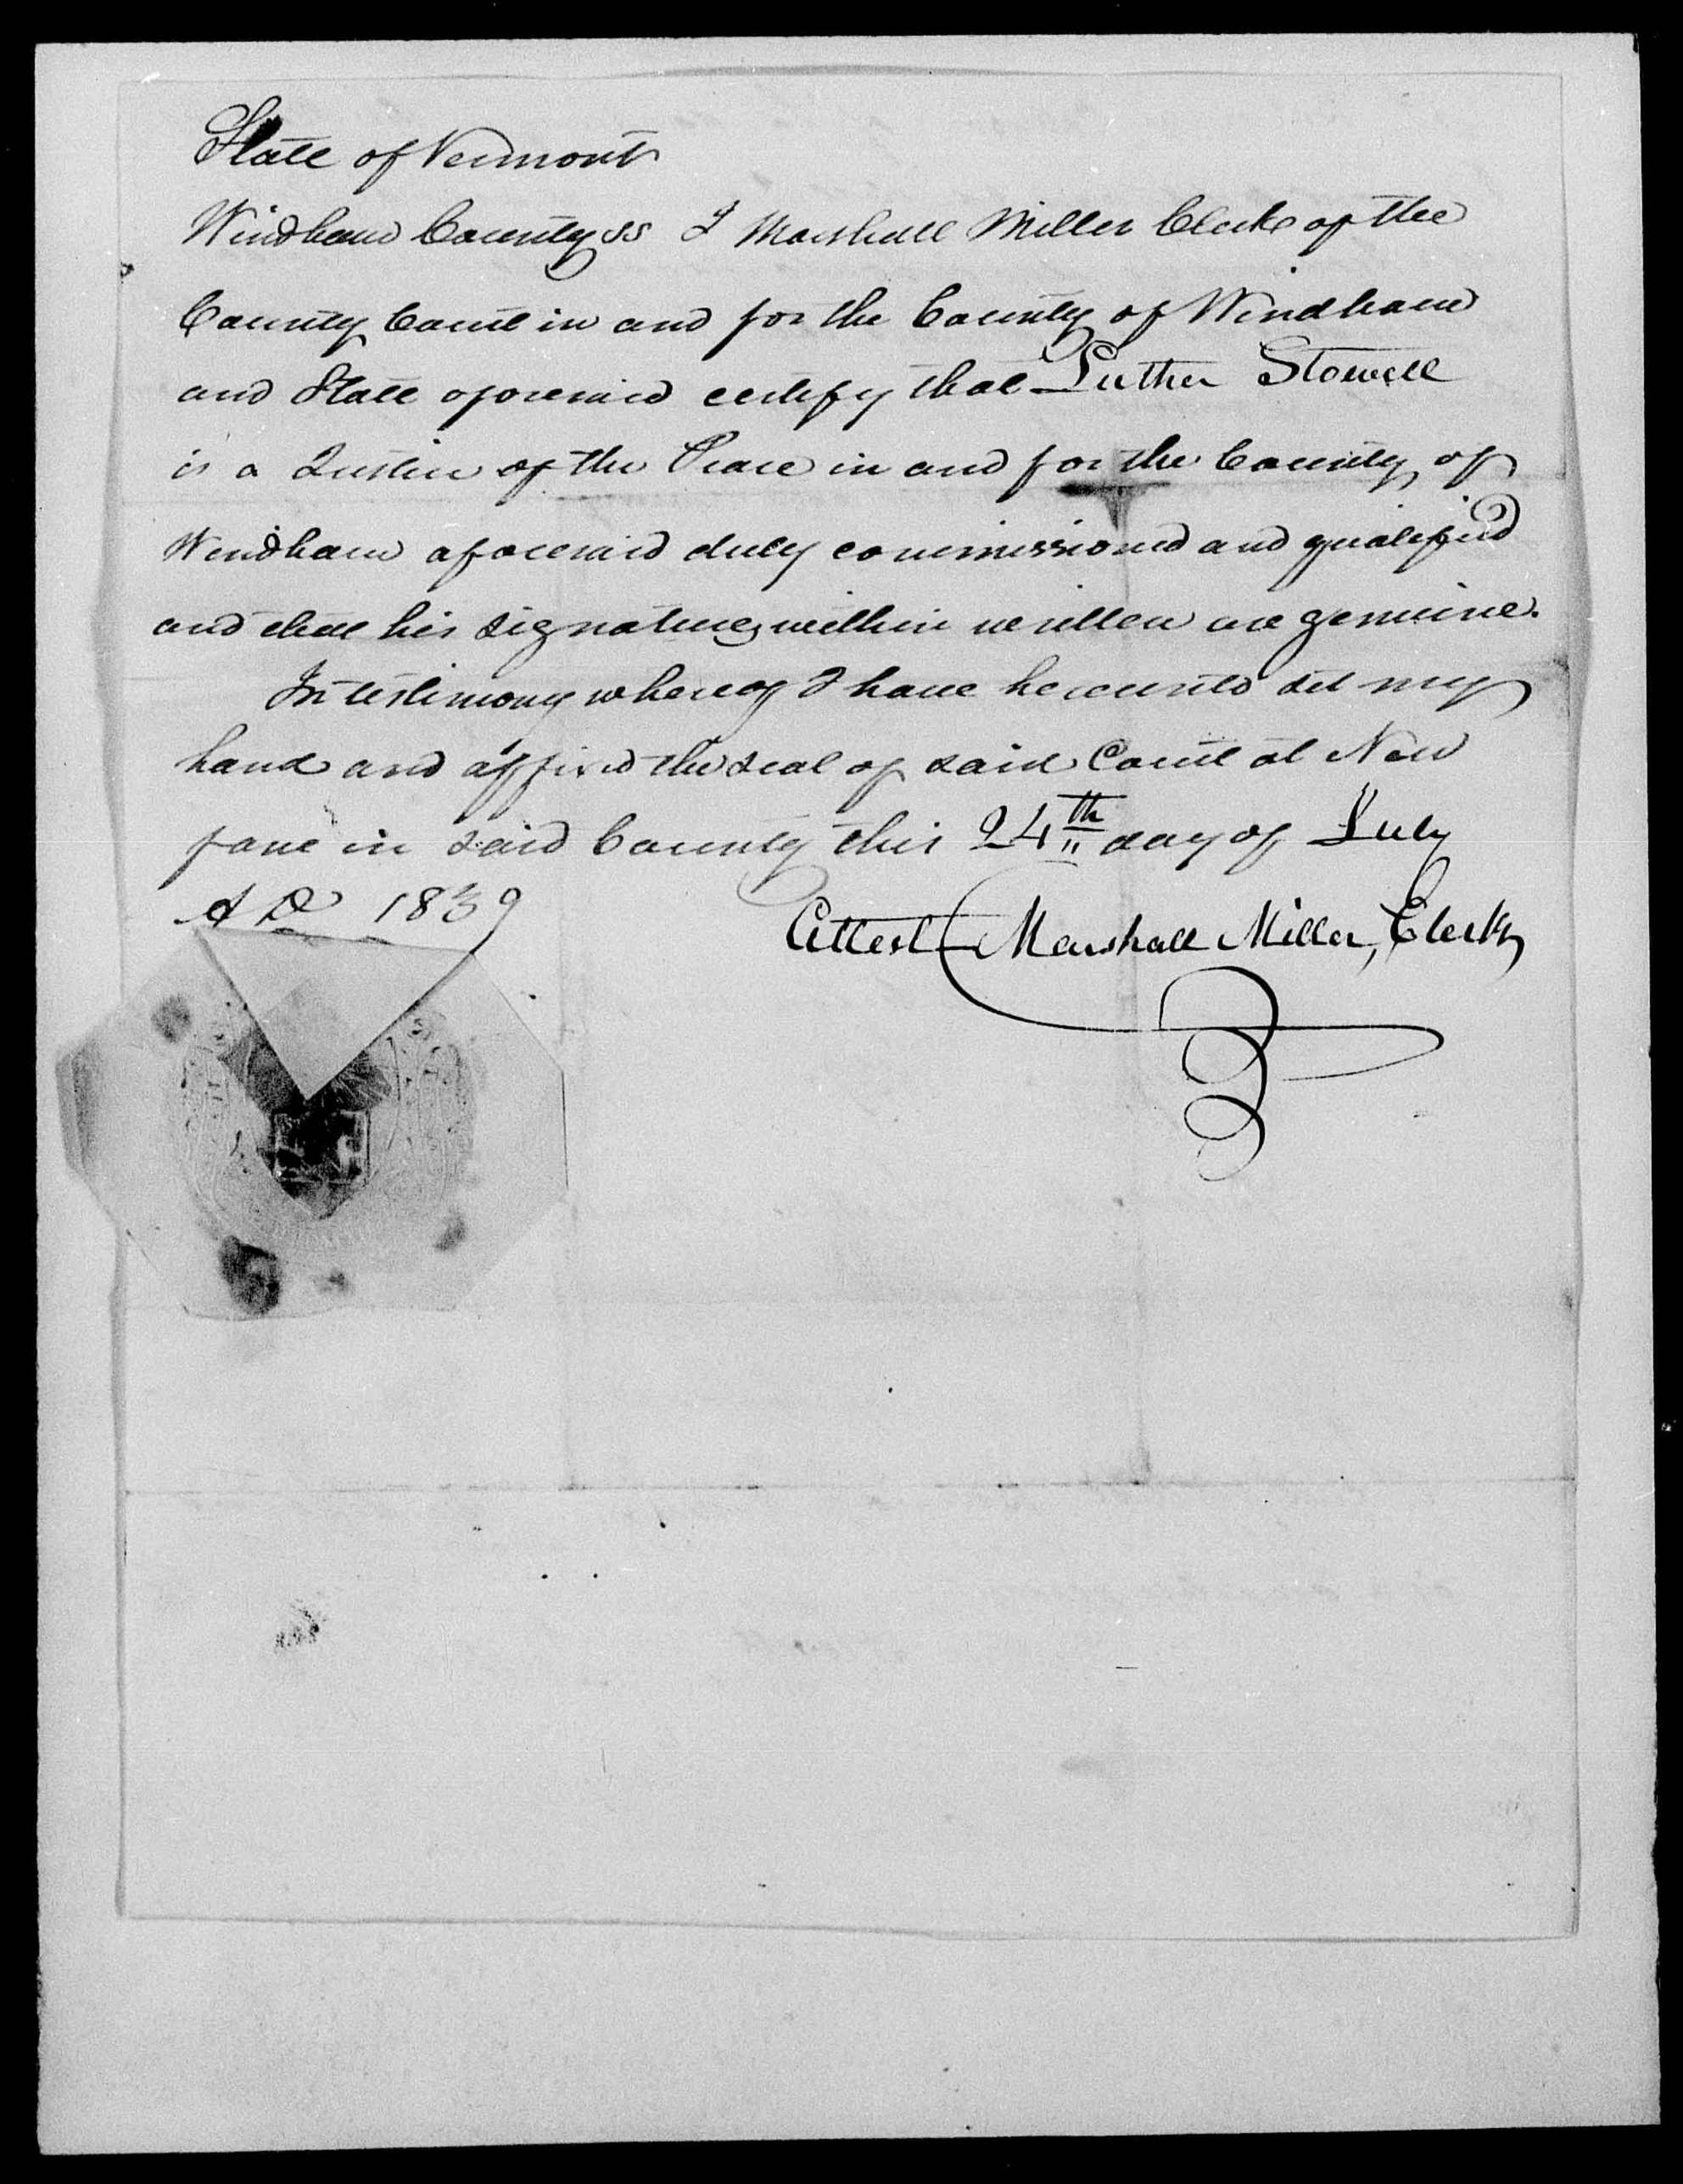State of Vermont
Windham County ss
I Marshall Miller Clerk of the County Court in and for the County of Windham and State aforesaid certify that Luther Stowell is a Justice of the Peace in and for the County of Windham aforesaid duly commissioned and qualified and that his signatures within written are genuine. 
In testimony whereof I have hereunto set my hand and affixed the seal of said Court at Newfane in said County this 24th day of July AD 1839
Attest Marshall Miller, Clerk
[left side of paper is affixed a seal]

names: Marshall Miller, Marshall Miller, Luther Stowell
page: 25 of 26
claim: widow's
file: W. 25619, Gamaliel Gerald, Mass.